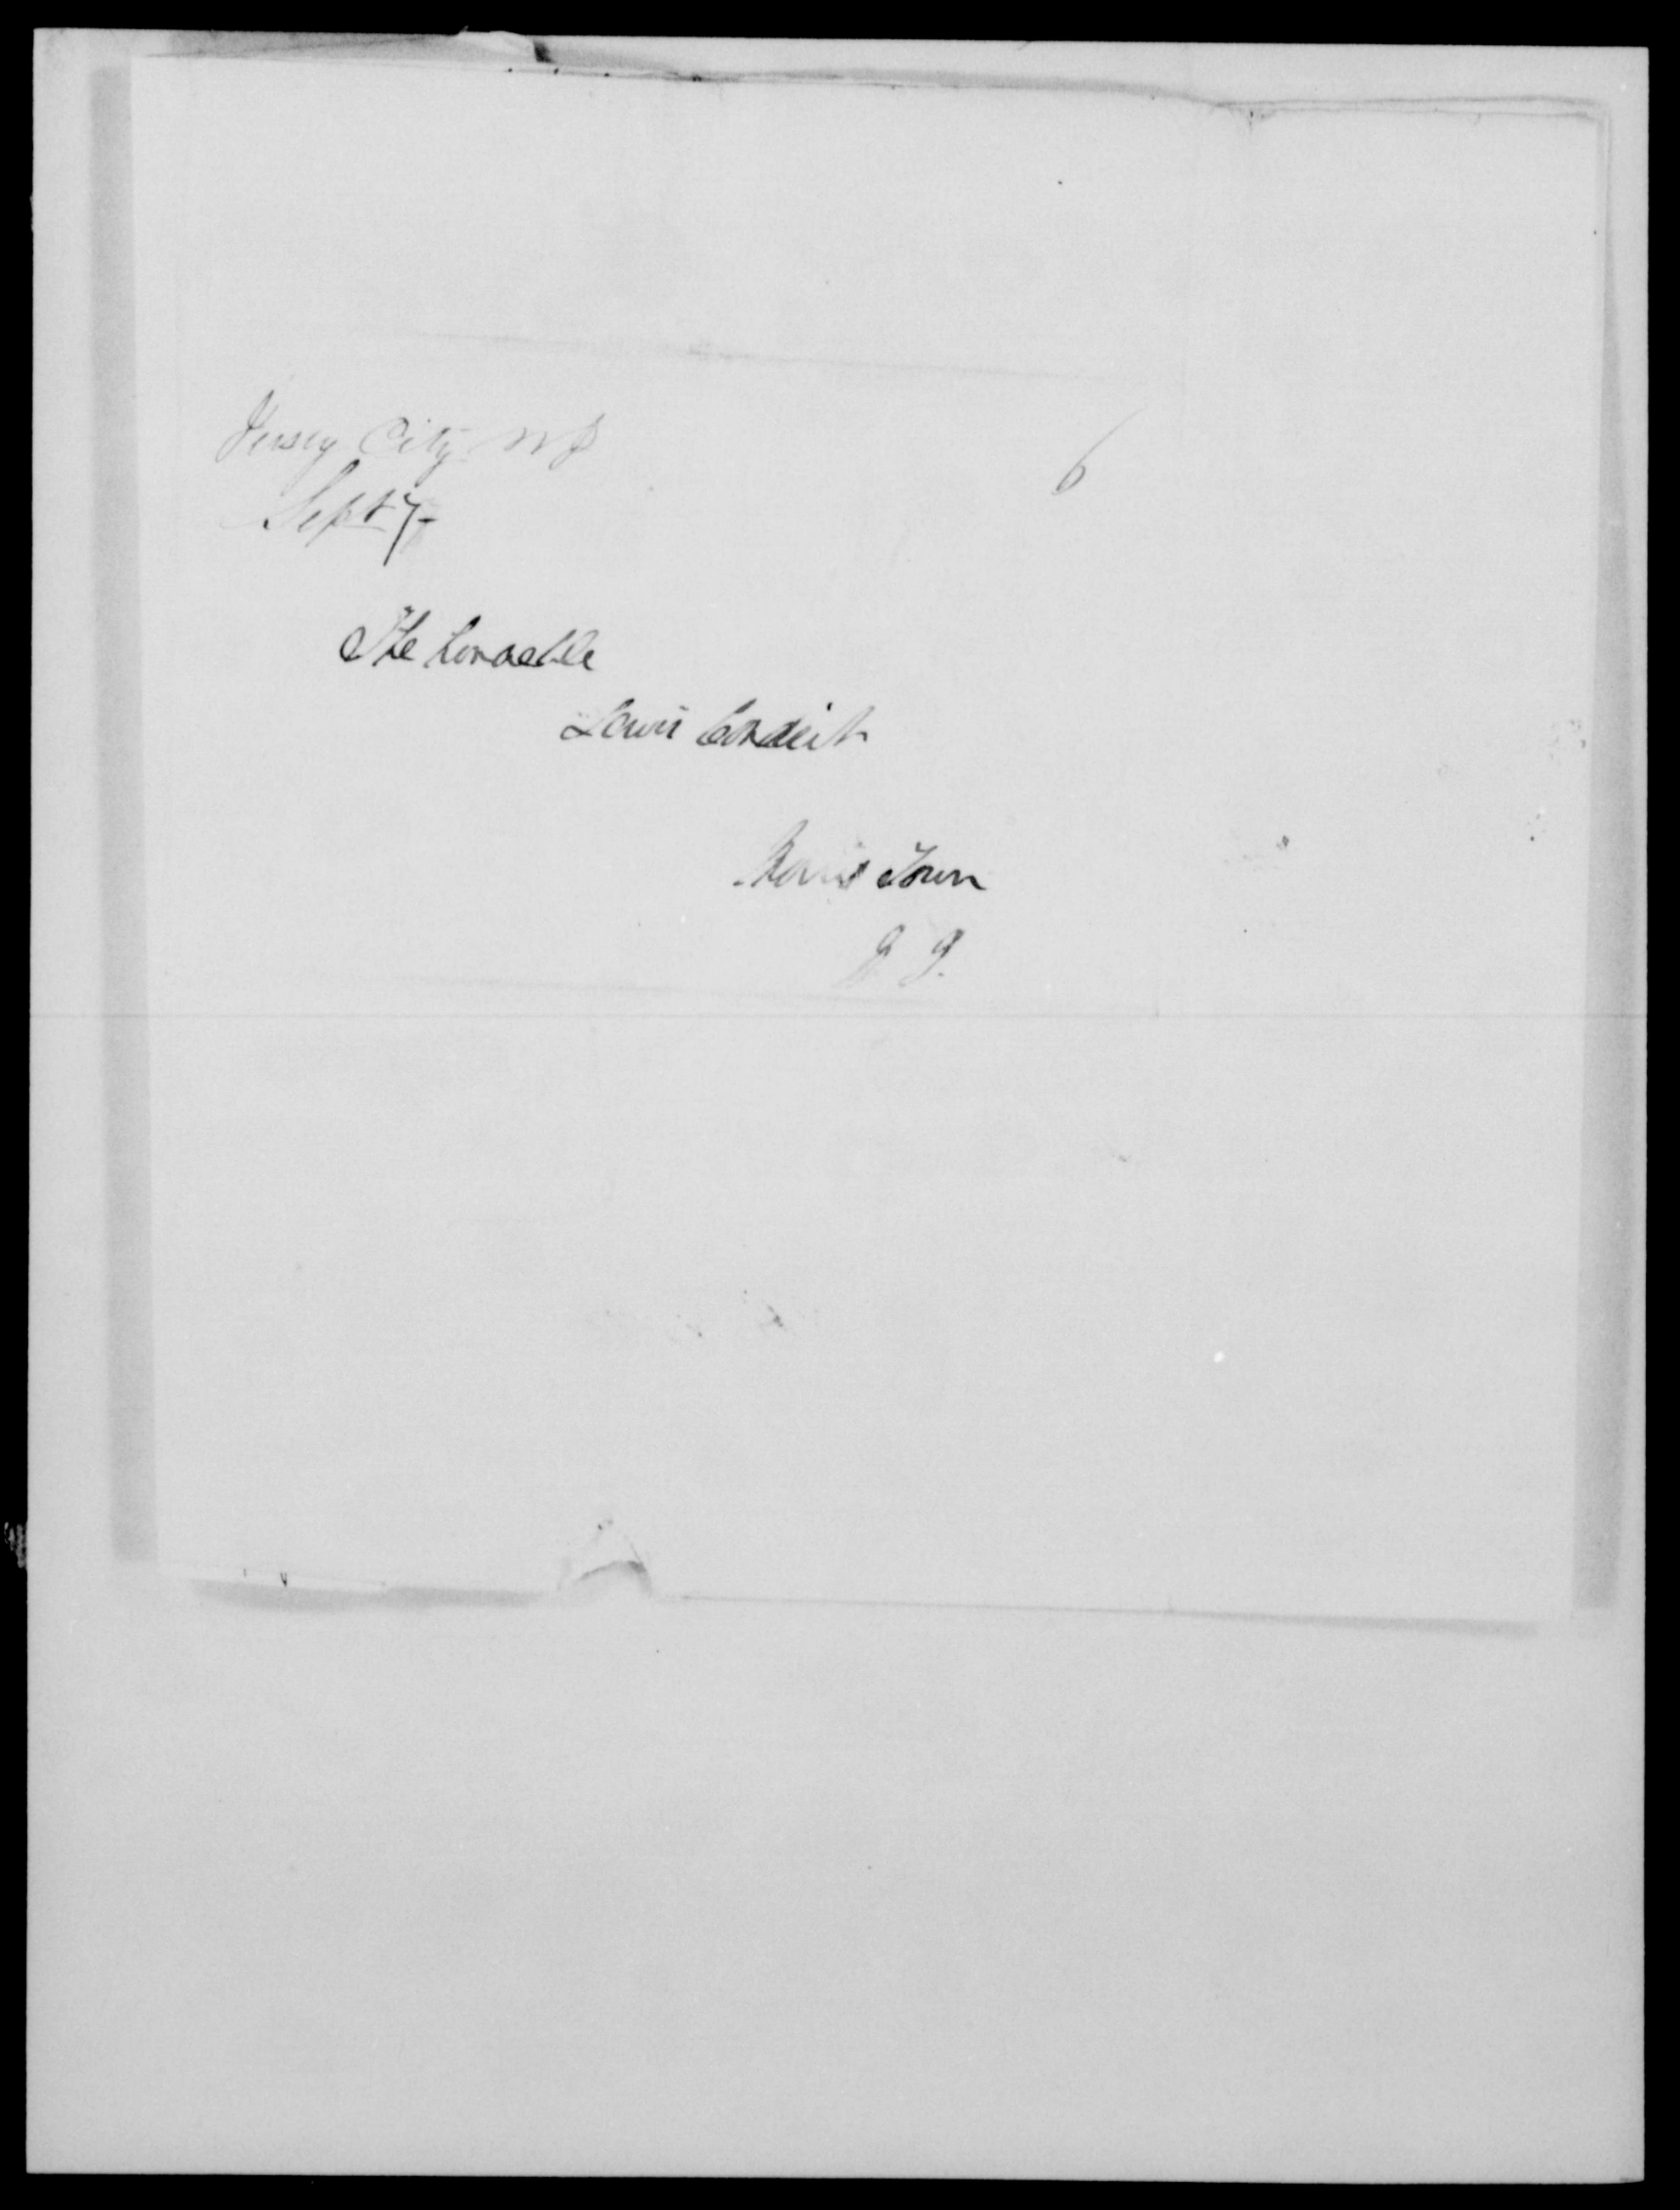Jersey City N J 
Sept 7
The honorable Lewis Condict 
Morristown N J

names: Lewis Condict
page: 18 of 44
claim: survivor's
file: S. 912, for Samuel Shipman, New Jersey